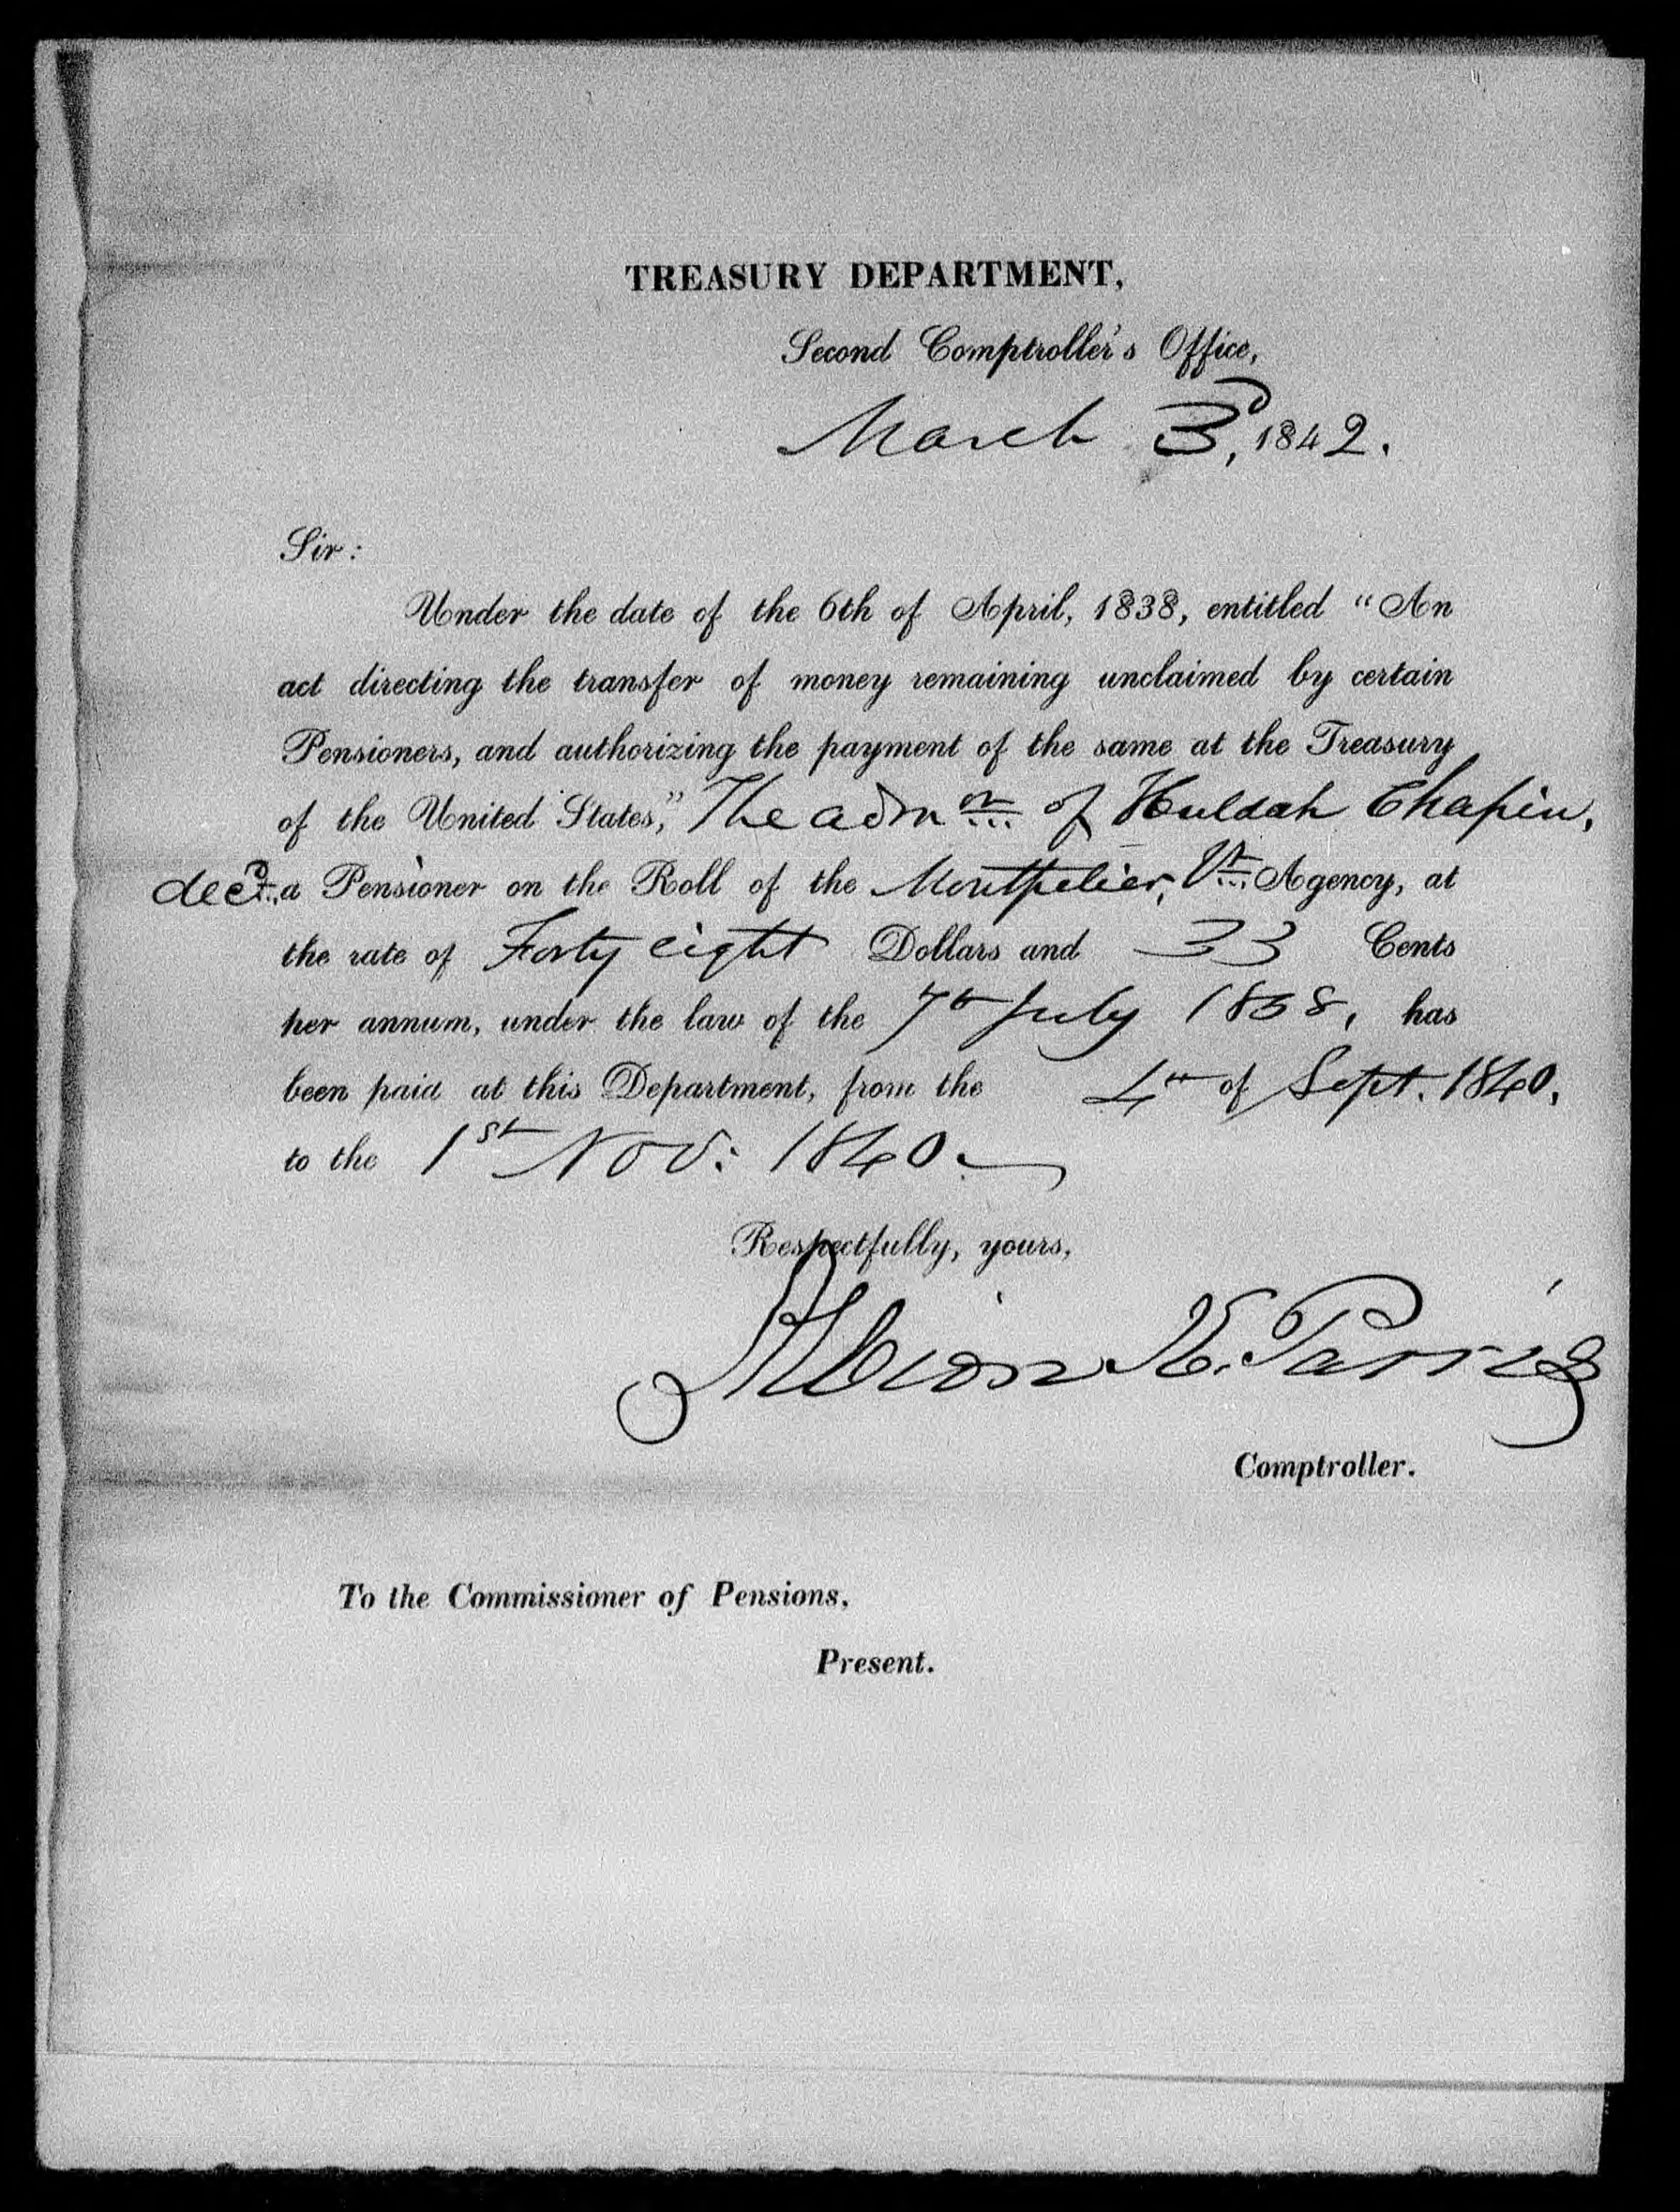TREASURY DEPARTMENT,
Second Comptroller's Office,
March 3d, 1842.

Sir:
Under the date of the 6th of April, 1838, entitled "An act directing the transfer of money remaining unclaimed by certain Pensioners, and authorizing the payment of the same at the Treasury of the United States," The adm'on of Huldah Chapin, dec'd a Pensioner on the Roll of the Montpelier, Vt. Agency, at the rate of Forty eight Dollars and 33 Cents per annum, under the law of the 7th July 1838, has been paid at this Department, from the 4th of Sept. 1840, to the 1st Nov. 1860 - 
Respectfully, yours,
/s/Albion K. Parris
Comptroller.

To the Commissioner of Pensions, Present.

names: Huldah Chapin, Albion K Parris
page: 29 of 35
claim: widow's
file: W. 20,864, Calvin Chapin, Mass. Vt.